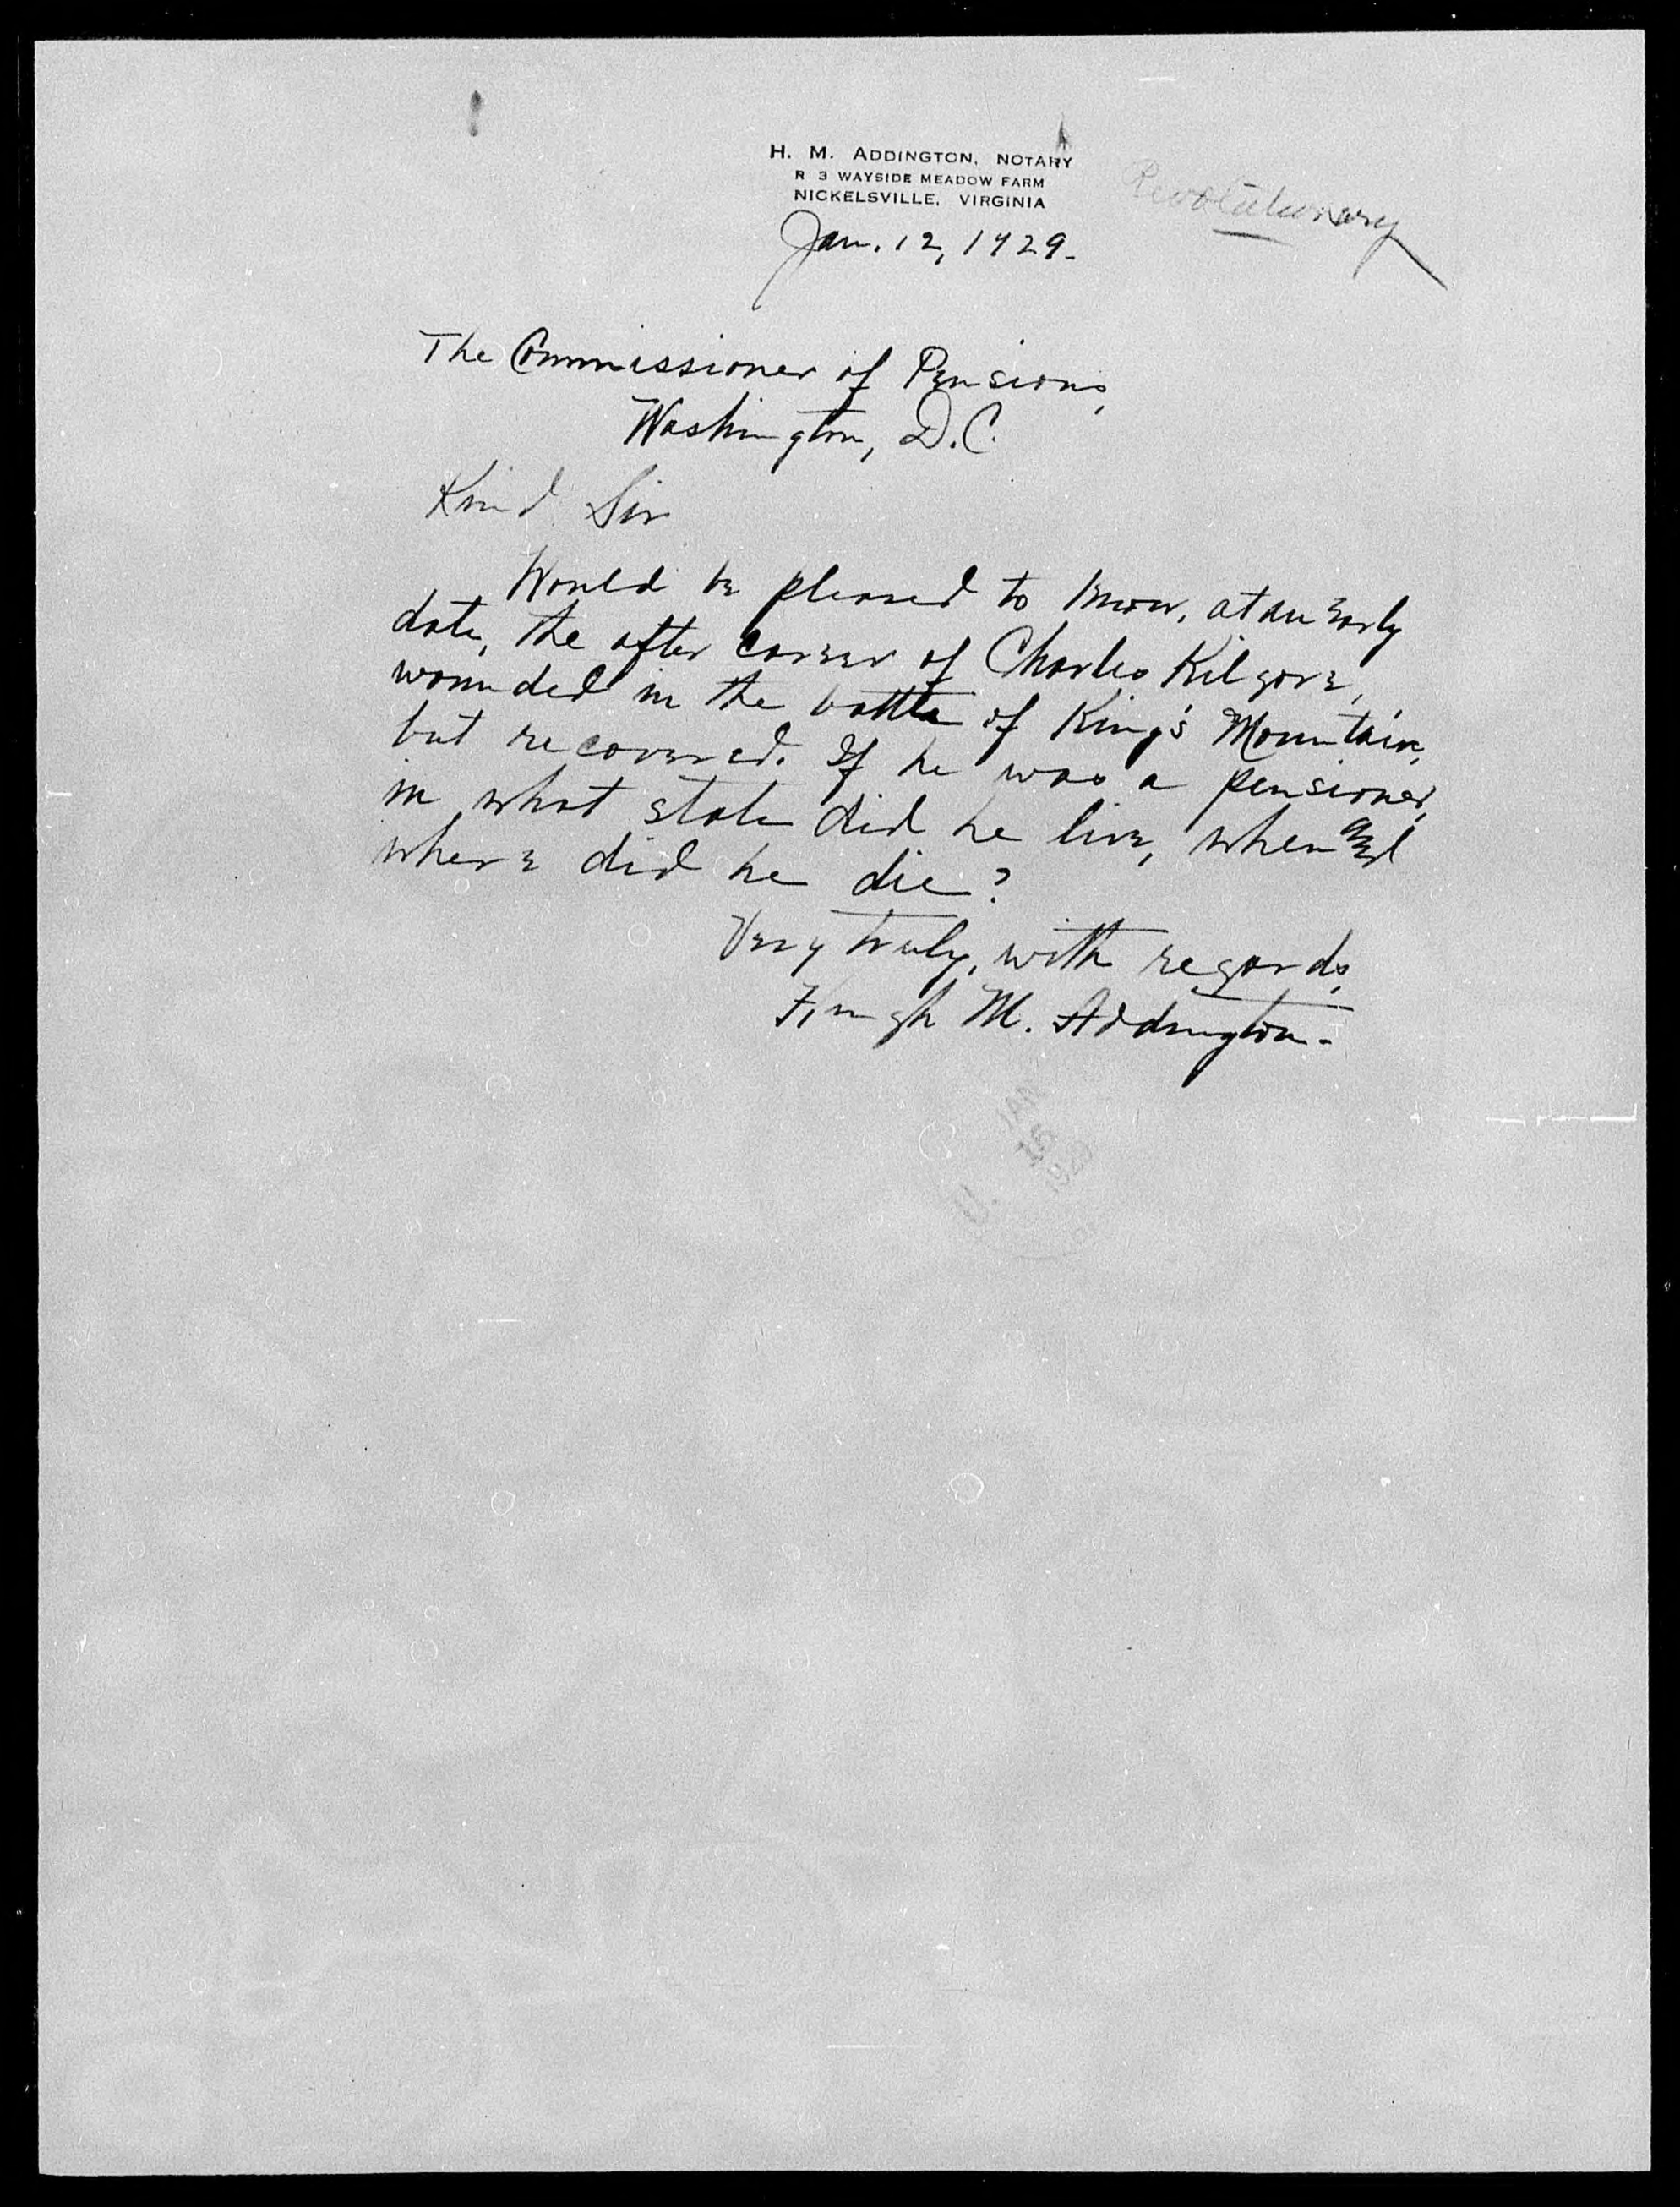H. M. ADDINGTON, NOTARY
3 WAYSIDE MEADOW FARM
NICKELSVILLE, VIRGINIA
Revolutionary
Jan. 12, 1929.

The Commissioner of Pensions
Washington, D.C.

Kind Sir
Would be pleased to know, at an early date, the after career of Charles Kilgore, wounded in the battle of Kings Mountain, but recovered. If he was a pensioner, in what state did he live when and where did he die?
Very truly, with regards
Hugh M. Addington.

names: Charles Kilgore; Hugh M Addington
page: 76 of 115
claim: survivor's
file: S. 699, for Charles Kilgore, Virginia